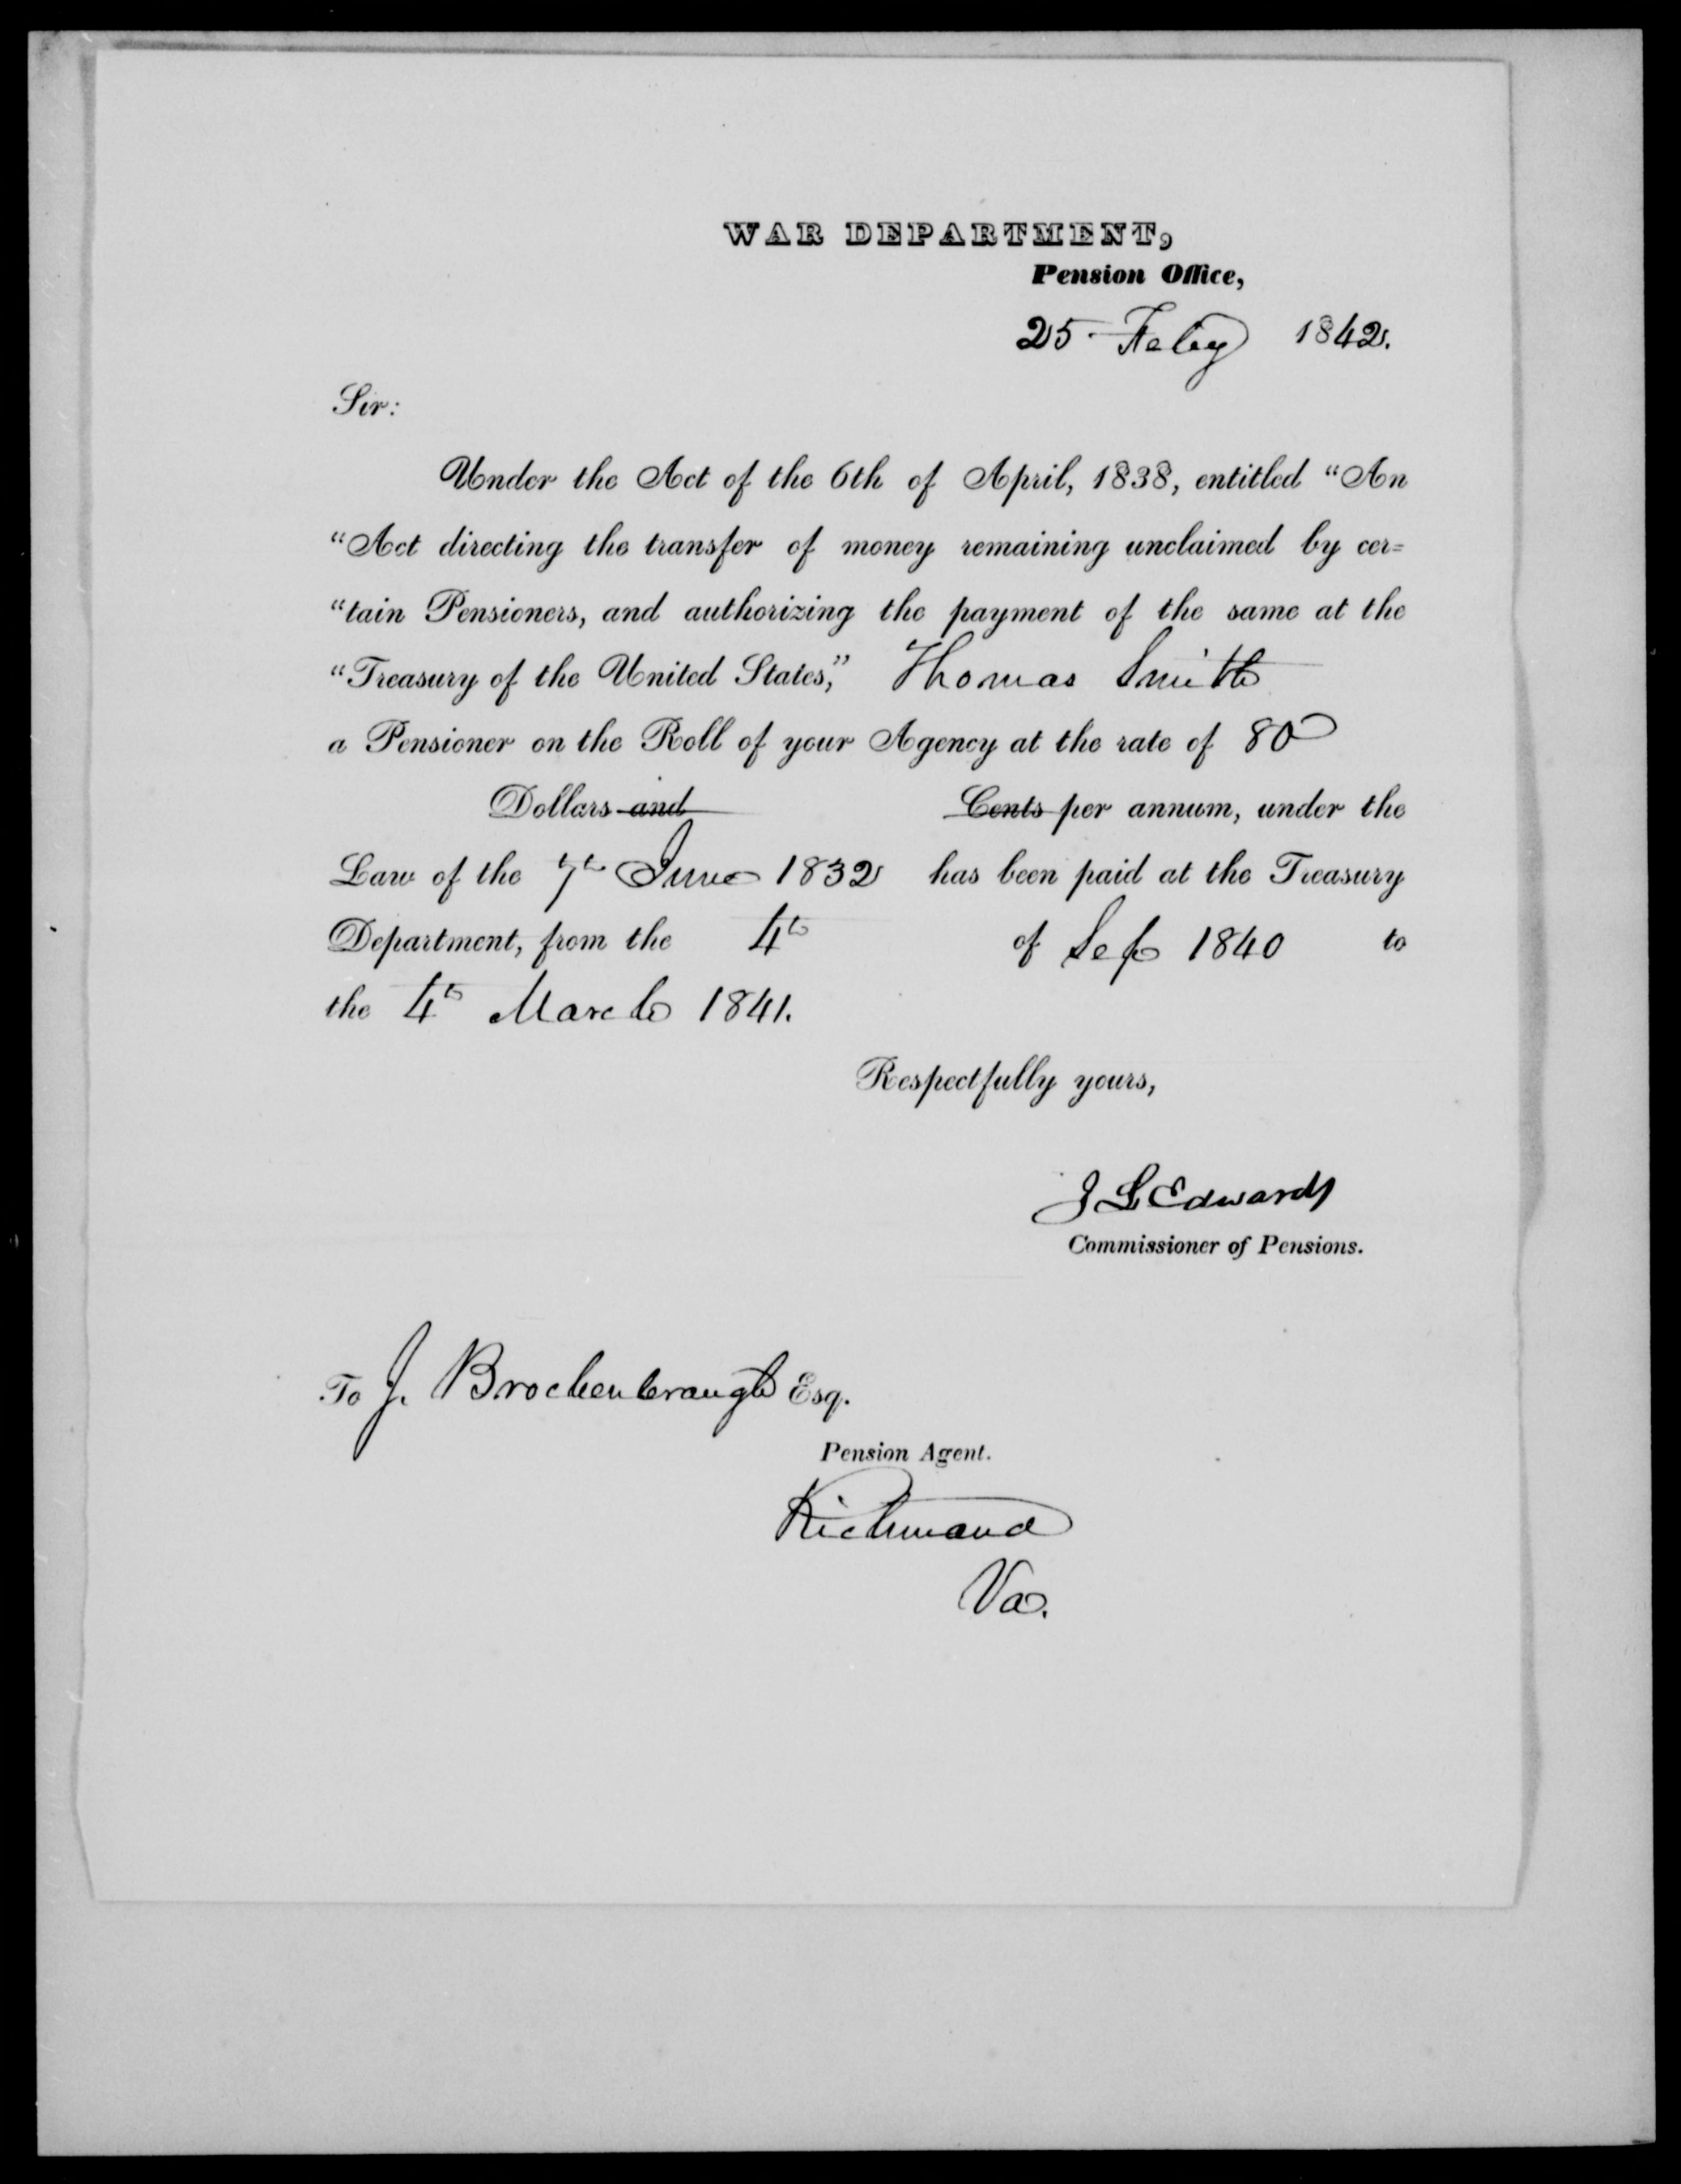TREASURY DEPARTMENT.
Second Comptroller's Office,
25 Feby, 1842.

Sir:
Under the act of the 6th of April, 1838 entitled "An act directing the transfer of money remaining unclaimed by certain Pensioners, and authorizing the payment of the same at the Treasury of the United States," Thomas Smith a Pensioner on the Roll of the your, Agency, at the rate of 80 Dollars per annum, under the law of the 7th June, 1832, has been paid at this Department from the 4th of Sep1840 to the 4th March 1841.
Respectfully, yours,
J L Edwards
Commissioner of Pensions.

To J. Brockenbraugh Esq.
Pension Agent.
Richmond
Va.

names: J L Edwards; Thomas Smith; J Brockenbrough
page: 19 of 23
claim: survivor's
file: S. 6,125, for Thomas Smith, Virginia